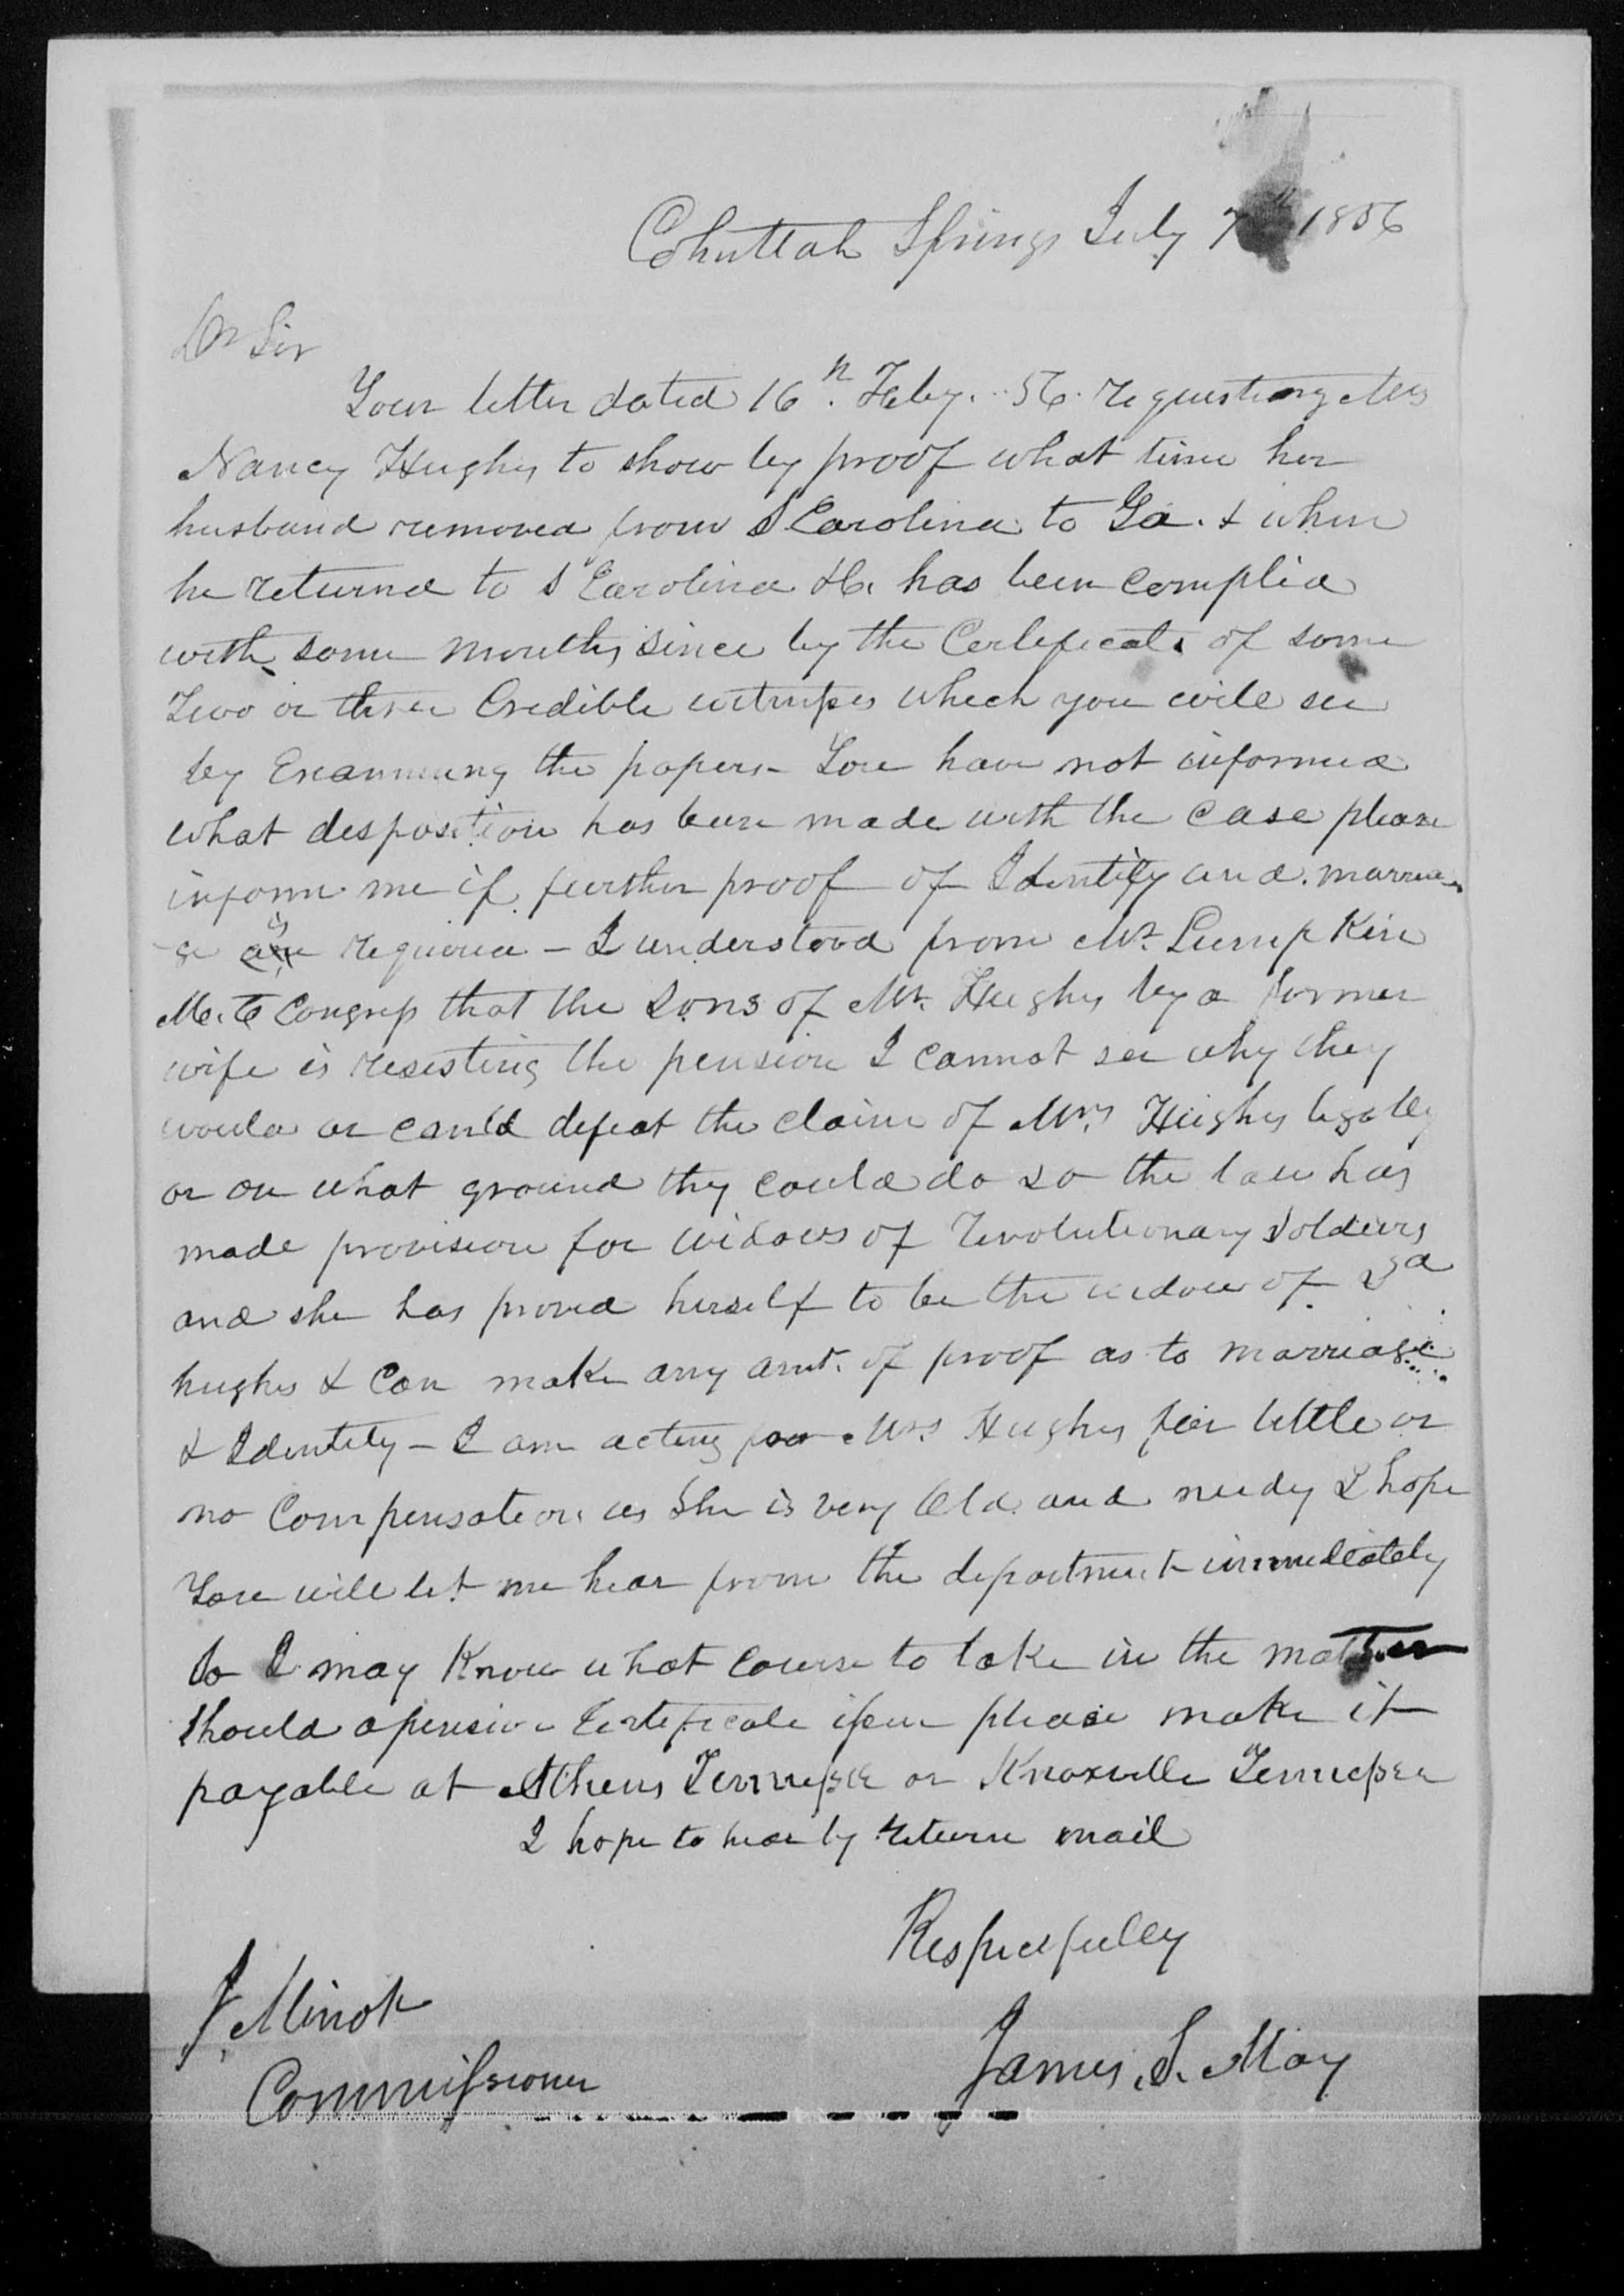Cohuttah Springs July 7th 1806
Dr Sir
Your letter dated 16th, Feby, ..56. requesting Ms Nancy Hughes to show by proof what time her husbund removed from S. Carolina to Ga. & when he returned to S. Carolina
He, has been complied with some months since by the Certificate of some two or three Credible witneses which you will see by Examining the papers. You have not informed what disposition has been made with the case please inform me if further proof of identity and marriage are(struck) is required - I understand from Mr. Lumpkin(sp) Mr. Te Consrip(sp) that the sons of Mr. Hughes by a former wife is resisting the pension I can not see why they would or could defeat the claim of Mrs. Hughes legaly or on what ground they could do so the law has made provision for widows of Revolutionary Soldiers and she has proved herself to be the widow of csa hughes & can make any amt. of proof as to marriage & identity_I am acting for Mrs. Hughes for little or no compensation by She is very old and needy I hope You will let me hear from the department immediately so I may Know what course to take in the matter Should a pension Certificate isue please make it payable at Athens Tennessee or Knoxville Tennessee 
I hope to hear from you by return mail
Respectfully
James,L, May
J,ellinok(sp)
Commissioner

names: J Minot, Lumpkin, James S May, Nancy Hughes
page: 75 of 75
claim: widow's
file: W. 25805, Andrew Hughes, N.C.